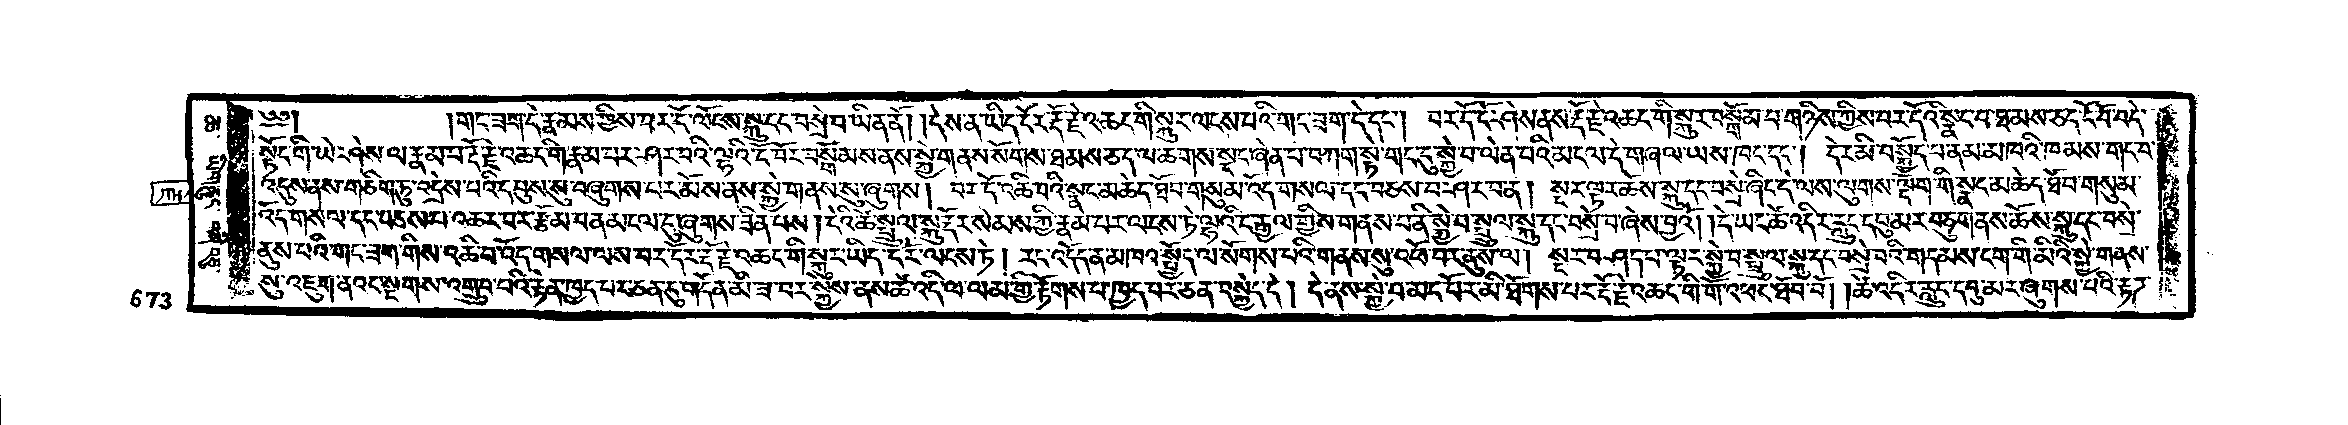༄༅། །གང་ཟག་དེ་རྣམས་ཀྱིས་བར་དོ་ལོངས་སྐུ་དང་བསྲེ་བ་ཡིན་ནོ། །དེས་ན་ཡིད་ངོར་རྡོ་རྗེ་འཆང་གི་སྐུར་ལངས་པའི་གང་ཟག་དེ་དང་། བར་དོ་ངོ་ཤེས་ནས་རྡོ་རྗེ་འཆང་གི་སྐུར་བསྒོམ་པ་གཉིས་ཀྱིས་བར་དོའི་སྣང་བ་ཐམས་ཅད་ངོ་བོ་བདེ་
སྟོང་གི་ཡེ་ཤེས་ལ་རྣམ་པར་རྡོ་རྗེ་འཆང་གི་རྣམ་པར་ཤར་བའི་ལྷའི་ངོ་བོར་བསྒོམས་ནས་སྐྱེ་གནས་སོགས་ཐམས་ཅད་ལ་ཆགས་སྡང་ཞེན་པ་བཀག་སྟེ་གང་དུ་སྐྱེ་བ་ལེན་པའི་མངལ་དེ་གཞལ་ཡས་ཁང་དང་། དེར་མི་བསྐྱོད་པ་ནམ་མཁའི་ཁམས་གང་བ་
འདུས་ནས་གཅིག་ཏུ་འདྲེས་པའི་དབུས་སུ་བཞུགས་པར་མོས་ནས་སྐྱེ་གནས་སུ་ཞུགས། བར་དོ་འཆི་བའི་སྣང་མཆེད་ཐོབ་གསུམ་འོད་གསལ་དང་བཅས་པ་ཤར་བ་ན། སྔར་ལྟར་ཆོས་སྐུ་དང་བསྲེ་ཞིང་དེ་ལས་ལུགས་ལྡོག་གི་སྣང་མཆེད་ཐོབ་གསུམ་
འོད་གསལ་དང་བཅས་པ་འཆར་བར་རྩོམ་པ་ན་མངལ་དུ་ཞུགས་ཟིན་པས། དེའི་ཚེ་སྤྲུལ་སྐུ་རྡོར་སེམས་ཀྱི་རྣམ་པར་ལངས་ཏེ་ལྷའི་ང་རྒྱལ་གྱིས་གནས་པ་ནི་སྐྱེ་བ་སྤྲུལ་སྐུ་དང་བསྲེ་བ་ཞེས་བྱའོ། །དེ་ཡང་ཚེ་འདིར་རླུང་དབུ་མར་བཅུག་ནས་ཆོས་སྐུ་དང་བསྲེ་
ནུས་པའི་གང་ཟག་གིས་འཆི་བ་འོད་གསལ་ལས་བར་དོར་རྡོ་རྗེ་འཆང་གི་སྐུར་ཡིད་ངོར་ལངས་ཏེ། རང་འདོད་ན་མཁའ་སྤྱོད་ལ་སོགས་པའི་གནས་སུ་འཕོ་བར་ནུས་ལ། སྔར་བཤད་པ་ལྟར་སྐྱེ་བ་སྤྲུལ་སྐུ་དང་བསྲེ་བའི་གདམས་ངག་གི་མིའི་སྐྱེ་གནས་
སུ་འཇུག་ནའང་སྔགས་འགྲུབ་པའི་རྟེན་ཁྱད་པར་ཅན་དུ་གདོན་མི་ཟ་བར་སྐྱེས་ནས་ཚེ་འདི་ལ་ལམ་གྱི་རྟོགས་པ་ཁྱད་པར་ཅན་བསྐྱེད་དེ། དེ་ནས་སྐྱེ་བ་མང་པོར་མི་ཐོགས་པར་རྡོ་རྗེ་འཆང་གི་གོ་འཕང་ཐོབ་བོ། །ཚེ་འདིར་རླུང་དབུ་མར་ཞུགས་པའི་རྟགས་